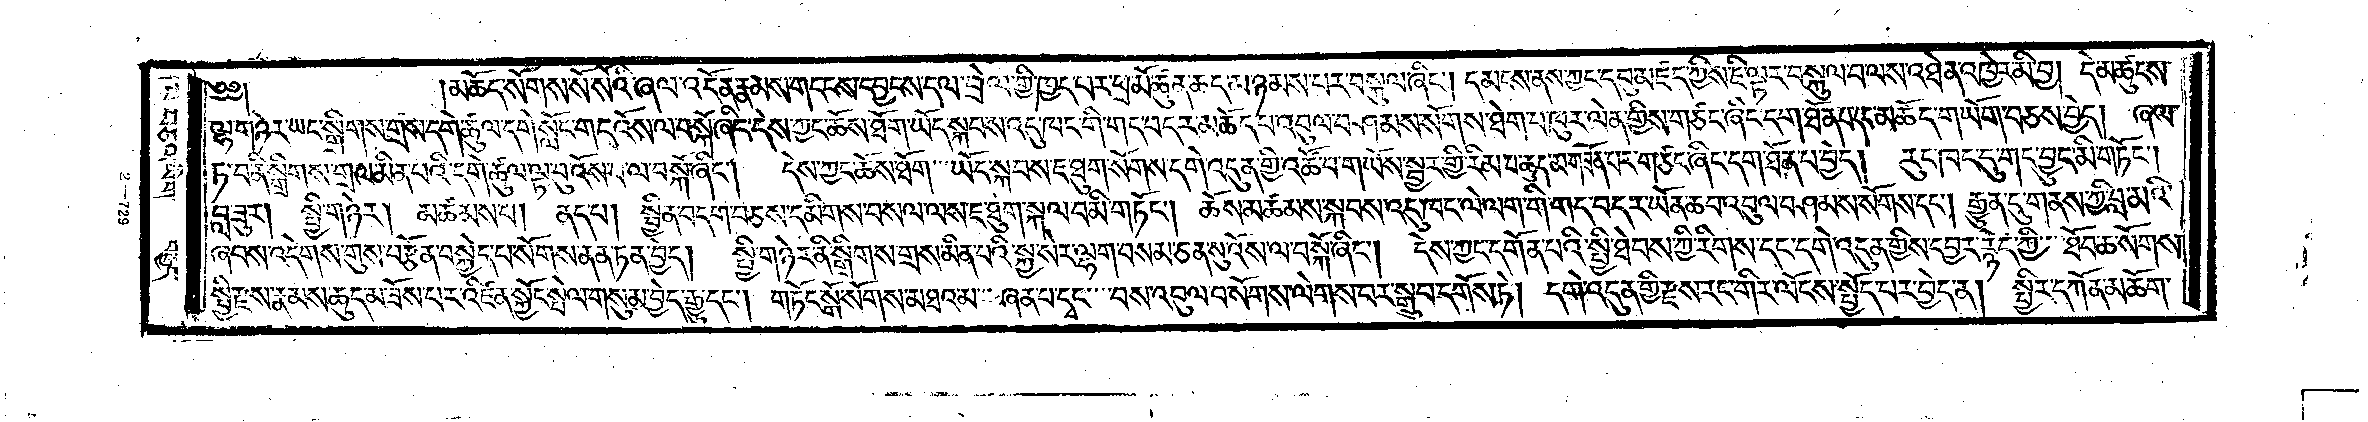༄༅། །མཆོད་སོགས་སོ་སོའི་ཞལ་འདོན་རྣམས་གདངས་དབྱངས་དལ་བྲེལ་གྱི་ཁྱད་པར་ཕྲ་མོ་ཚུན་ཆད་མ་ཉམས་པར་བསྐུལ་ཞིང་། དམངས་ནས་ཀྱང་དབུ་མཛད་ཀྱིས་ཇི་ལྟར་བསྐུལ་བ་ལས་འཐེན་འཁྱེར་མི་བྱ། དེ་མཚུངས་
ལྷ་གཉེར་ཡང་སྒྲིགས་གྲས་དགེ་ཚུལ་དགེ་སློང་གང་འོས་ལ་བསྐོ་ཞིང་དེས་ཀྱང་ཆོས་ཐོག་ཡོད་སྐབས་འདུ་ཁང་གི་གད་བདར་མཆོད་པ་འབུལ་བཤམས་སོགས་ཐེག་པ་ཁུར་ལེན་གྱིས་གཙང་ཞིང་དག་ཐོན་པ་དང་མཆོད་གཡོག་བཅས་བྱེད། ཞལ་
ཏ་བ་ནི་སྒྲིགས་གྲལ་མིན་པའི་དགེ་ཚུལ་ལྟ་བུ་འོས་པ་ལ་བསྐོ་ཞིང་། དེས་ཀྱང་ཆོས་ཐོག་ཡོད་སྐབས་ཇ་ཐུག་སོགས་དགེ་འདུན་གྱི་འཚོ་བ་གཡོས་སྦྱར་གྱི་རིམ་པ་ཆུད་མ་གཟོན་པར་གཙང་ཞིང་དག་ཐོན་པ་བྱེད། རུང་ཁང་དུ་གང་བྱུང་མི་གཏོང་།
བླ་ཟུར། སྤྱི་གཉེར། མཚམས་པ། ནད་པ། སྦྱིན་བདག་བཅས་དམིགས་བསལ་ལས་ཇ་ཐུག་སྐལ་བ་མི་གཏོང་། ཆོས་མཚམས་སྐབས་འདུ་ཁང་ལེ་ལག་གི་གད་བདར་ཡོན་ཆབ་འབུལ་བཤམས་སོགས་དང་། རྒྱུན་དུ་གནས་ཀྱི་བླ་མའི་
ཞབས་འདེགས་གུས་བརྩོན་བསྐྱེད་པ་སོགས་ནན་ཏན་བྱེད། སྤྱི་གཉེར་ནི་སྒྲིགས་གྲས་མིན་པའི་སྐྱ་སེར་ལྷག་བསམ་ཅན་སུ་འོས་ལ་བསྐོ་ཞིང་། དེས་ཀྱང་དགོན་པའི་སྤྱི་ཐེབས་ཀྱི་རིགས་དང་དགེ་འདུན་གྱིས་དབྱར་རྙེད་ཀྱི་ཐོབ་ཆ་སོགས་
སྤྱི་རྫས་རྣམས་ཆུད་མ་ཟོས་པར་འཛིན་སྐྱོང་སྤེལ་གསུམ་བྱེད་རྒྱུ་དང་། གཏོང་སྒོ་སོགས་མཐའ་མ་ཞན་པ་དྭང་བས་འབུལ་བ་སོགས་ལེགས་པར་སྒྲུབ་དགོས་ཏེ། དགེ་འདུན་གྱི་རྫས་རང་གིར་ལོངས་སྤྱོད་པར་བྱེད་ན། སྤྱིར་དཀོན་མཆོག་